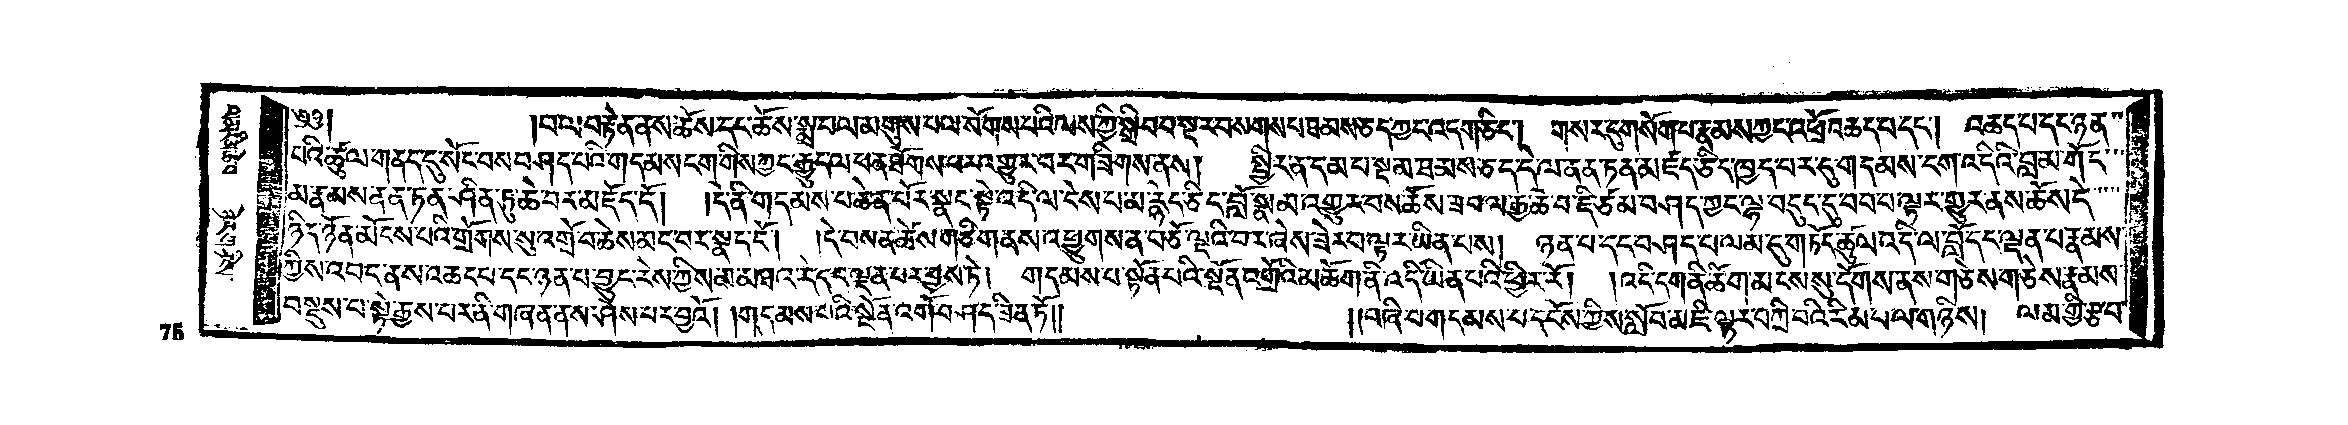༄༅། །བ་ལ་བརྟེན་ནས་ཆོས་དང་ཆོས་སྨྲ་བ་ལམ་གུས་པ་ལ་སོགས་པའི་ལས་ཀྱི་སྒྲིབ་པ་སྔར་བསགས་པ་ཐམས་ཅད་ཀྱང་འདག་ཅིང་། གསར་དུ་གསོག་པ་རྣམས་ཀྱང་འཕྲོ་འཆད་པ་དང་། འཆད་པ་དང་ཉན་
པའི་ཚུལ་གནད་དུ་སོང་བས་བཤད་པའི་གདམས་ངག་གིས་ཀྱང་རྒྱུད་ལ་ཕན་ཐོགས་པར་འགྱུར་བར་གཟིགས་ནས། སྤྱིར་ན་དམ་པ་སྔ་མ་ཐམས་ཅད་དེ་ལ་ནན་ཏན་མཛད་ཅིང་ཁྱད་པར་དུ་གདམས་ངག་འདིའི་བླ་མ་གོང་
མ་རྣམས་ནན་ཏན་ཤིན་ཏུ་ཆེ་བར་མཛད་དོ། །དེ་ནི་གདམས་པ་ཆེན་པོར་སྣང་སྟེ་འདི་ལ་ངེས་པ་མ་རྙེད་ཅིང་བློ་སྣ་མ་འགྱུར་བས་ཆོས་ཟབ་ལ་རྒྱ་ཆེ་བ་ཇི་ཙམ་བཤད་ཀྱང་ལྷ་བདུད་དུ་བབ་པ་ལྟར་གྱུར་ནས་ཆོས་དེ་
ཉིད་ཉོན་མོངས་པའི་གྲོགས་སུ་འགྲོ་བ་ཆེས་མང་བར་སྣང་ངོ། །དེ་བས་ན་ཚེས་གཅིག་ནས་འཕྱུགས་ན་བཅོ་ལྔའི་བར་ཞེས་ཟེར་བ་ལྟར་ཡིན་པས། ཉན་པ་དང་བཤད་པ་ལམ་དུ་གཏོང་ཚུལ་འདི་ལ་བློ་དང་ལྡན་པ་རྣམས་
ཀྱིས་འབད་ནས་འཆད་པ་དང་ཉན་པ་བྱུང་རེས་ཀྱིས་མ་མཐའ་རེ་དང་ལྡན་པར་བྱས་ཏེ། གདམས་པ་སྟོན་པའི་སྔོན་འགྲོའི་མཆོག་ནི་འདི་ཡིན་པའི་ཕྱིར་རོ། །འདི་དག་ནི་ཚིག་མངས་སུ་དོགས་ནས་གཅེས་གཅེས་རྣམས་
བསྡུས་པ་སྟེ་རྒྱས་པར་ནི་གཞན་ནས་ཤེས་པར་བྱའོ། །གདམས་པའི་སྔོན་འགྲོ་བཤད་ཟིན་ཏོ།། །།བཞི་པ་གདམས་པ་དངོས་ཀྱིས་སློབ་མ་ཇི་ལྟར་བཀྲི་བའི་རིམ་པ་ལ་གཉིས། ལམ་གྱི་རྩ་བ་